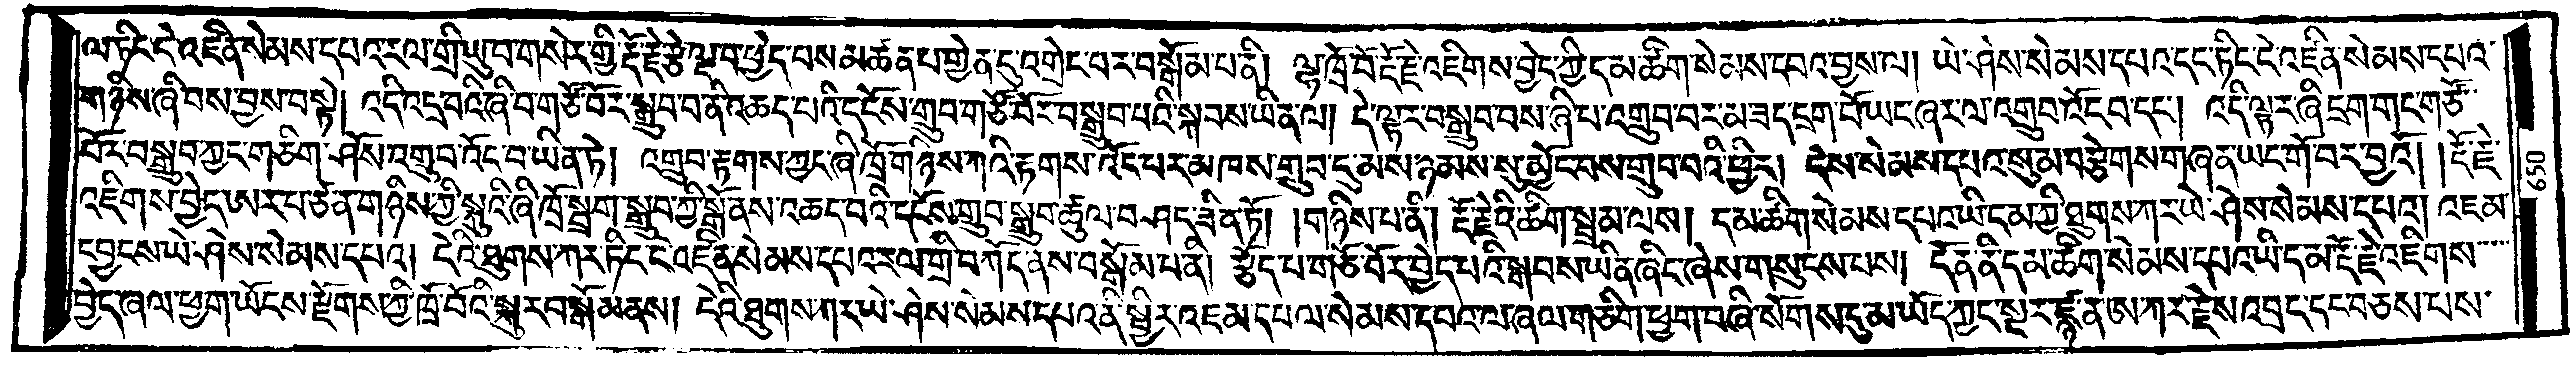ལ་ཏིང་ངེ་འཛིན་སེམས་དཔའ་རལ་གྲི་ཡུ་བ་གསེར་གྱི་རྡོ་རྗེ་རྩེ་ལྔ་པ་ཕྱེད་པས་མཚན་པ་གྱེན་དུ་འགྲེང་བར་བསྒོམ་པ་ནི། ལྷ་ཁྲོ་བོ་རྡོ་རྗེ་འཇིགས་བྱེད་ཀྱི་དམ་ཚིག་སེམས་དཔའ་བྱས་ལ། ཡེ་ཤེས་སེམས་དཔའ་དང་ཏིང་ངེ་འཛིན་སེམས་དཔའ་
གཉིས་ཞི་བས་བྱས་བ་སྟེ། འདི་འདྲ་བའི་ཞི་བ་གཙོ་བོར་སྒྲུབ་བ་ནི་འཆད་པའི་དངོས་གྲུབ་གཙོ་བོར་བསྒྲུབ་པའི་སྐབས་ཡིན་ལ། དེ་ལྟར་བསྒྲུབ་པས་ཞི་བ་འགྲུབ་པར་མ་ཟད་དྲག་པོ་ཡང་ཞར་ལ་འགྲུབ་འོང་བ་དང་། འདི་ལྟར་ཞི་དྲག་གང་གཙོ་
བོར་བསྒྲུབ་ཀྱང་གཅིག་ཤོས་འགྲུབ་འོང་བ་ཡིན་ཏེ། འགྲུབ་རྟགས་ཀྱང་ཞི་ཁྲོ་གཉིས་ཀའི་རྟགས་འོང་པར་མཁས་གྲུབ་དུ་མས་ཉམས་སུ་མྱོང་བས་གྲུབ་བའི་ཕྱིར། དེས་སེམས་དཔའ་སུམ་བརྩེགས་གཞན་ཡང་གོ་བར་བྱའོ། །རྡོ་རྗེ་
འཇིགས་བྱེད་ཨ་ར་པ་ཙ་ན་གཉིས་ཀྱི་སྐུའི་ཞི་ཁྲོ་སྦྲག་སྒྲུབ་ཀྱི་སྒོ་ནས་འཆད་པའི་དངོས་གྲུབ་སྒྲུབ་ཚུལ་བཤད་ཟིན་ཏོ། །གཉིས་པ་ནི། རྡོ་རྗེའི་ཚིག་སྦྲམ་ལས། དམ་ཚིག་སེམས་དཔའ་ཡི་དམ་ཀྱི་ཐུགས་ཀར་ཡེ་ཤེས་སེམས་དཔའ། འཇམ་
དབྱངས་ཡེ་ཤེས་སེམས་དཔའ། དེའི་ཐུགས་ཀར་ཏིང་ངེ་འཛིན་སེམས་དཔའ་རལ་གྲི་བཀོད་ནས་བསྒོམ་པ་ནི། རྩོད་པ་གཙོ་བོར་བྱེད་པའི་སྐབས་ཡིན་ཞིང་ཞེས་གསུངས་པས། དོན་ནི་དམ་ཚིག་སེམས་དཔའ་ཡི་དམ་རྡོ་རྗེ་འཇིགས་
བྱེད་ཞལ་ཕྱག་ཡོངས་རྫོགས་ཀྱི་ཁྲོ་བོའི་སྐུར་བསྒོམ་ནས། དེའི་ཐུགས་ཀར་ཡེ་ཤེས་སེམས་དཔའ་ནི་སྤྱིར་འཇམ་དཔལ་སེམས་དཔའ་ལ་ཞལ་གཅིག་ཕྱག་བཞི་སོགས་དུ་མ་ཡོད་ཀྱང་སྔར་ཛྙཱ་ན་ཨ་ཀར་རྗེས་འབྲང་དང་བཅས་པས་